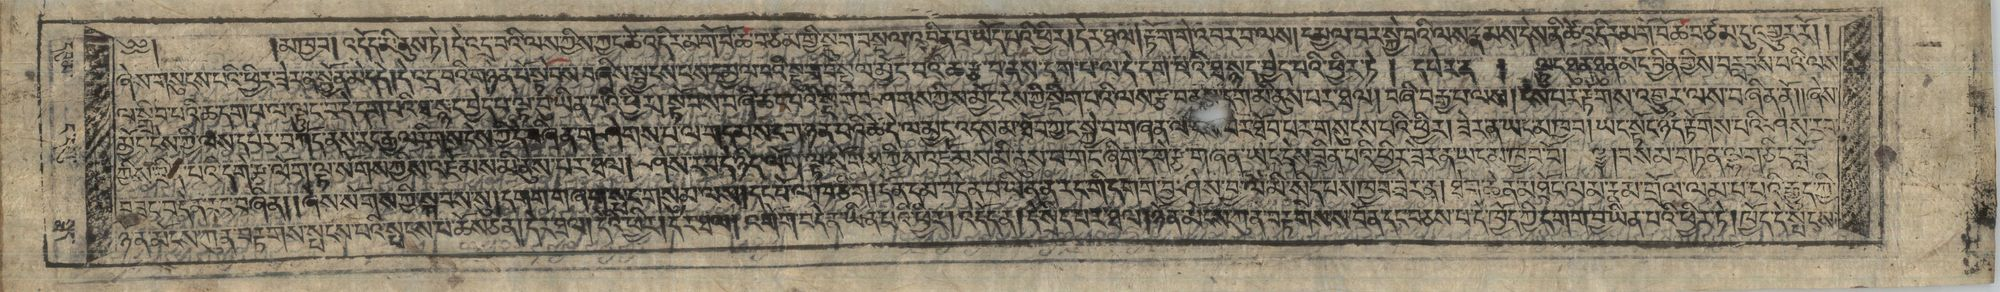༄༅། །མ་ཁྱབ། འདོད་མི་ནུས་ཏེ། དེ་འདྲ་བའི་ལས་ཀྱིས་ཀྱང་ཚེ་འདིར་མགོ་བོ་ཚ་བ་ཙམ་གྱི་སྡུག་བསྔལ་འབྱིན་པ་ཡོད་པའི་ཕྱིར། དེར་ཐལ། རྟོག་གེ་འབར་བ་ལས། དམྱལ་བར་སྐྱེ་བའི་ལས་རྣམས་དེས་ནི་ཚེ་འདིར་མགོ་བོ་ཚ་བ་ཙམ་དུ་འགྱུར་རོ། །
ཞེས་གསུངས་པའི་ཕྱིར་ཟེར་ན་སྐྱོན་མེད་དེ། དེ་འདྲ་བའི་གཉེན་པོ་སྟོབས་བཞིས་སྦྱངས་པས་དམྱལ་བའི་སྡུག་བསྔལ་མྱོང་བའི་ཆ་རྩ་བ་ནས་དག་པ་ལ་དེ་དག་པའི་ཐ་སྙད་བྱེད་པའི་ཕྱིར་ཏེ། དཔེར་ན། ལྟུང་ཐུན་ཐུན་མོང་བྱིན་གྱིས་བརླབས་པའི་ལས་
ལ་སྒྲིབ་པའི་ཆ་དག་པ་ལ་ལྟུང་བ་དེ་དག་པའི་ཐ་སྙད་བྱེད་པ་ལྟ་བུ་ཡིན་པའི་ཕྱིར། སྟོབས་བཞི་ཚང་པའི་སྡིག་བཤགས་ཀྱིས་མྱོང་ངེས་ཀྱི་སྡིག་པའི་ལས་རྩ་བ་ནས་དག་མི་ནུས་པར་ཐལ། བཞི་བརྒྱ་པ་ལས། ངེས་པར་རྟོགས་འགྱུར་ལས་བཞིན་ནོ། །ཞེས་
མྱོང་ངེས་ཀྱི་ལས་དཔེར་བཀོད་ནས་རང་རྒྱལ་རིགས་ངེས་ཀྱི་དེ་བཞིན་གཤེགས་པ་ལ་གདམས་ངག་ཉན་པའི་ཚེ་དེ་ལ་མྱང་འདས་མ་ཐོབ་ཀྱང་སྐྱེ་བ་གཞན་ལ་ངེས་པར་ཐོབ་པར་གསུངས་པའི་ཕྱིར། ཟེར་ན་ཡང་མ་ཁྱབ། ཡང་སྟོང་ཉིད་རྟོགས་པའི་ཤེས་རབ་
ཀྱིས་ཟིན་པའི་དགེ་རྩ་ལོག་ལྟ་སོགས་ཀྱིས་འཇོམས་མི་ནུས་པར་ཐལ། ཤེས་རབ་དེ་ཉིད་ལོག་ལྟ་སོགས་ཀྱིས་འཇོམས་མི་ནུས་པ་གང་ཞིག་དགེ་རྩ་གཞན་ཡང་དེས་ཟིན་པའི་ཕྱིར་ཟེར་ན་ཡང་མ་ཁྱབ་བོ། ༈ །བསམ་གཏན་ལྷག་ཅིང་བློ་
བཟང་བདེན་རང་བཞིན། །ཞེས་སོགས་ཀྱི་སྐབས་སུ། དགག་གཞག་སྤང་གསུམ་ལས། དང་པོ་ལ་ཁ་ཅིག །དོན་དམ་བདེན་པ་ཡིན་ན་རང་གི་དགག་བྱ་ཤེས་བྱ་ལ་མི་སྲིད་པས་ཁྱབ་ཟེར་ན། ཐེག་ཆེན་མཐོང་ལམ་རྣམ་གྲོལ་ལམ་པ་པའི་རྒྱུད་ཀྱི་
ཉོན་མོངས་ཀུན་བརྟགས་སྤངས་པའི་སྤངས་པ་ཆོས་ཅན། དེར་ཐལ། དེའི་ཕྱིར། དེར་ཐལ། འགོག་བདེན་ཡིན་པའི་ཕྱིར། འདོད་ན། དེ་སྲིད་པར་ཐལ། ཉོན་མོངས་ཀུན་བརྟགས་ས་བོན་དང་བཅས་པ་དེ་ཁྱོད་ཀྱི་དགག་བྱ་ཡིན་པའི་ཕྱིར་ཏེ། ཁྱོད་དེ་སྤངས་